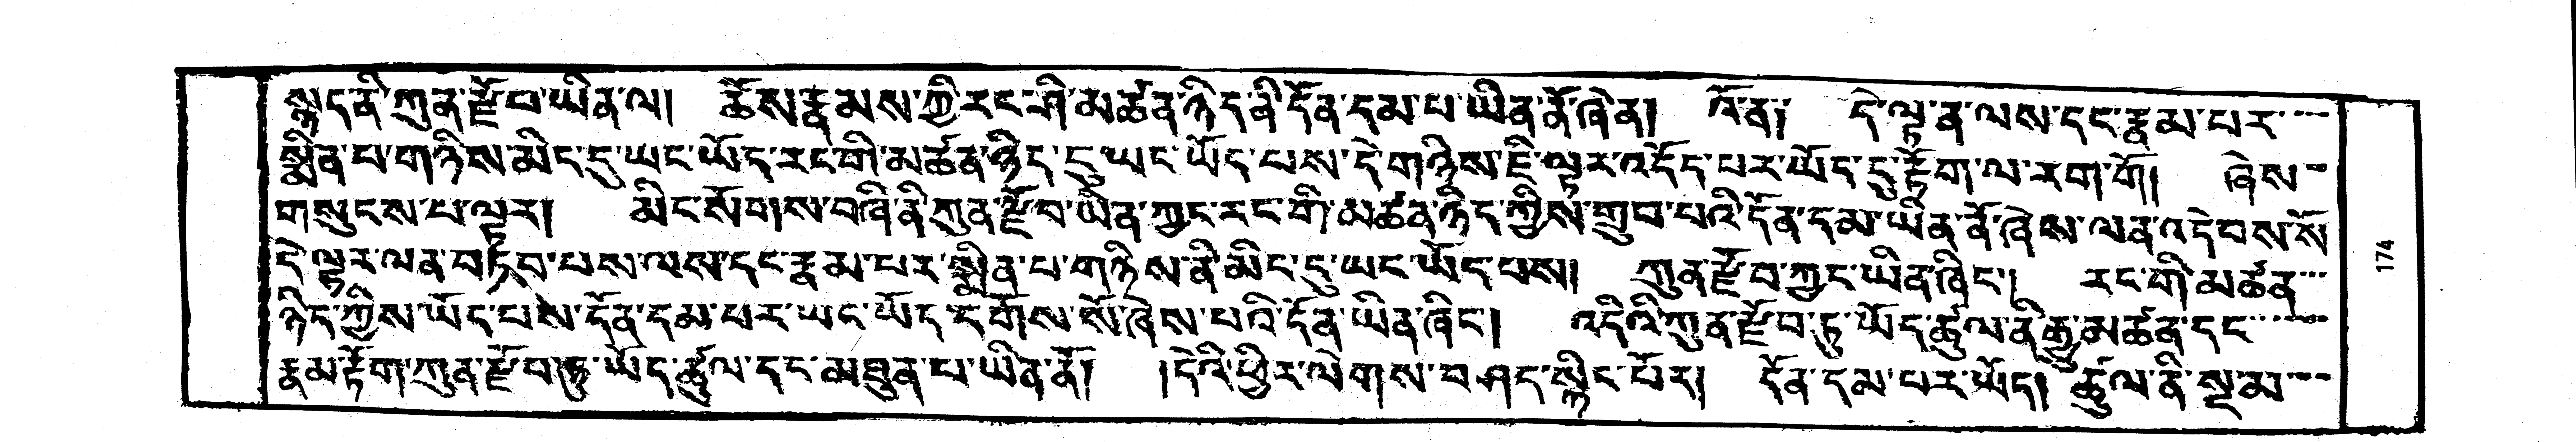སྙད་ནི་ཀུན་རྫོབ་ཡིན་ལ། ཆོས་རྣམས་ཀྱི་རང་ཤི་མཚན་ཉིད་ནི་དོན་དམ་པ་ཡིན་ནོ་ཞེ་ན། འོ་ན། དེ་ལྟ་ན་ལས་དང་རྣམ་པར་
སྨིན་པ་གཉིས་མིང་དུ་ཡང་ཡོད་རང་གི་མཚན་ཉིད་དུ་ཡང་ཡོད་པས་དེ་གཉིས་ཇི་ལྟར་འདོད་པར་ཡོད་དུ་རྟོག་ལ་རག་གོ །ཞེས་
གསུངས་པ་ལྟར། མིང་སོགས་བཞི་ནི་ཀུན་རྫོབ་ཡིན་ཀྱང་རང་གི་མཚན་ཉིད་ཀྱིས་གྲུབ་པའི་དོན་དམ་ཡིན་ནོ་ཞེས་ལན་འདེབས་སོ་
དེ་ལྟར་ལན་བཏབ་པས་ལས་དང་རྣམ་པར་སྨིན་པ་གཉིས་ནི་མིང་དུ་ཡང་ཡོད་པས། ཀུན་རྫོབ་ཀྱང་ཡིན་ཞིང་། རང་གི་མཚན་
ཉིད་ཀྱིས་ཡོད་པས་དོན་དམ་པར་ཡང་ཡོད་དགོས་སོ་ཞེས་པའི་དོན་ཡིན་ཞིང་། འདིའི་ཀུན་རྫོབ་ཏུ་ཡོད་ཚུལ་ནི་རྒྱུ་མཚན་དང་
རྣམ་རྟོག་ཀུན་རྫོབ་ཏུ་ཡོད་ཚུལ་དང་མཐུན་པ་ཡིན་ནོ། །དེའི་ཕྱིར་ལེགས་བཤད་སྙིང་པོར། དོན་དམ་པར་ཡོད། ཚུལ་ནི་སྔ་མ་